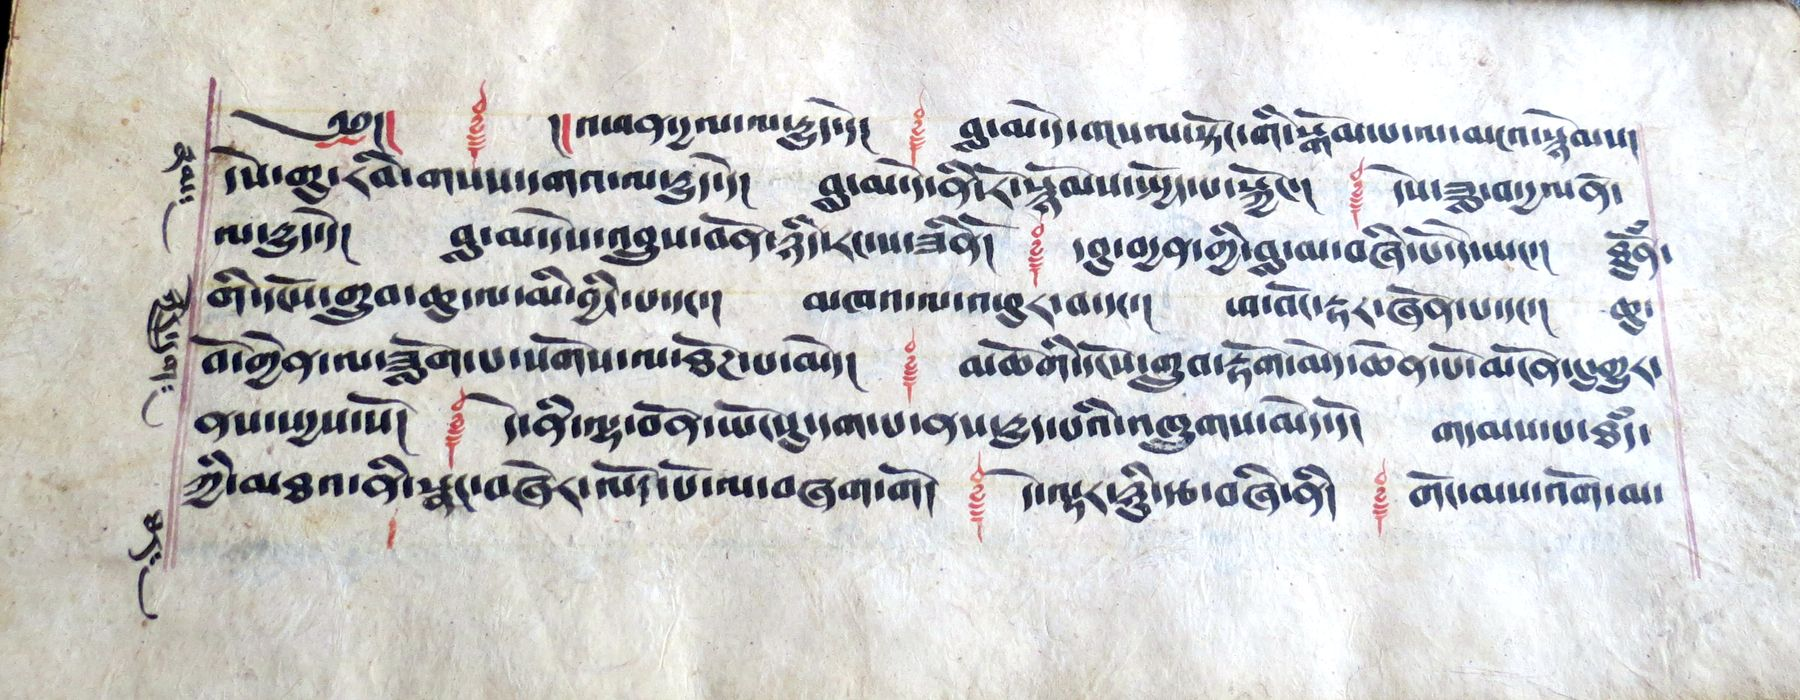འཕན་རྒྱལ་ལ་བརྒྱུད་དེ། བླ་མ་དེས་གསལ་སྟོང་གི་སྒོམ་པ་ལ་མངའ་བསྙེམས། 
དེས་གུ་རིབ་གསས་དགའ་ལ་བརྒྱུད་དེ། བླ་མ་དེ་ནི་རོ་སྙོམས་སྤྱོད་པ་སྐྱོངས། ། དེས་ཟླ་བ་རྒྱལ་མཚན་
ལ་བརྒྱུད་དེ། བླ་མ་དེ་ནི་བོན་ཉིད་རང་ས་ཟིན། དབུ་རྒྱན་གྱི་བླ་མ་བཞི་པོ་དེ་ཡང་། ཐུན་མོང་
གི་དངོས་གྲུབ་ཆུ་ལ་མི་བྱིང་བ་དང་། མཁའ་ལ་འཕུར་བ་དང་། ཕ་བོང་རྟར་ཞོན་པ་དང་། ཆུ་
བོ་གྱེན་ལ་བཟློག་པ་ལས་སོགས་ལ་ཐོགས་པ་མེད། མཆོག་གི་དངོས་གྲུབ་རྟོག་མེད་ཆེན་པོ་མངོན་དུ་གྱུར་
ནས་སངས་རྒྱས་སོ། ། དེས་ནི་ལྷ་བོན་ཡོངས་སུ་དག་པ་ནས་བརྒྱུད་པ་འཁྲུག་མེད་དོ། ། གདམས་པ་ཐམས་ཅད་
ཀྱི་མཐའ་ནི་སྣང་བཞེར་ལོད་པོ་ལ་བཞག་གོ། དེ་ལྟར་ཉི་ཤུ་རྩ་བཞི་ནི། གོང་མས་འོག་མ་